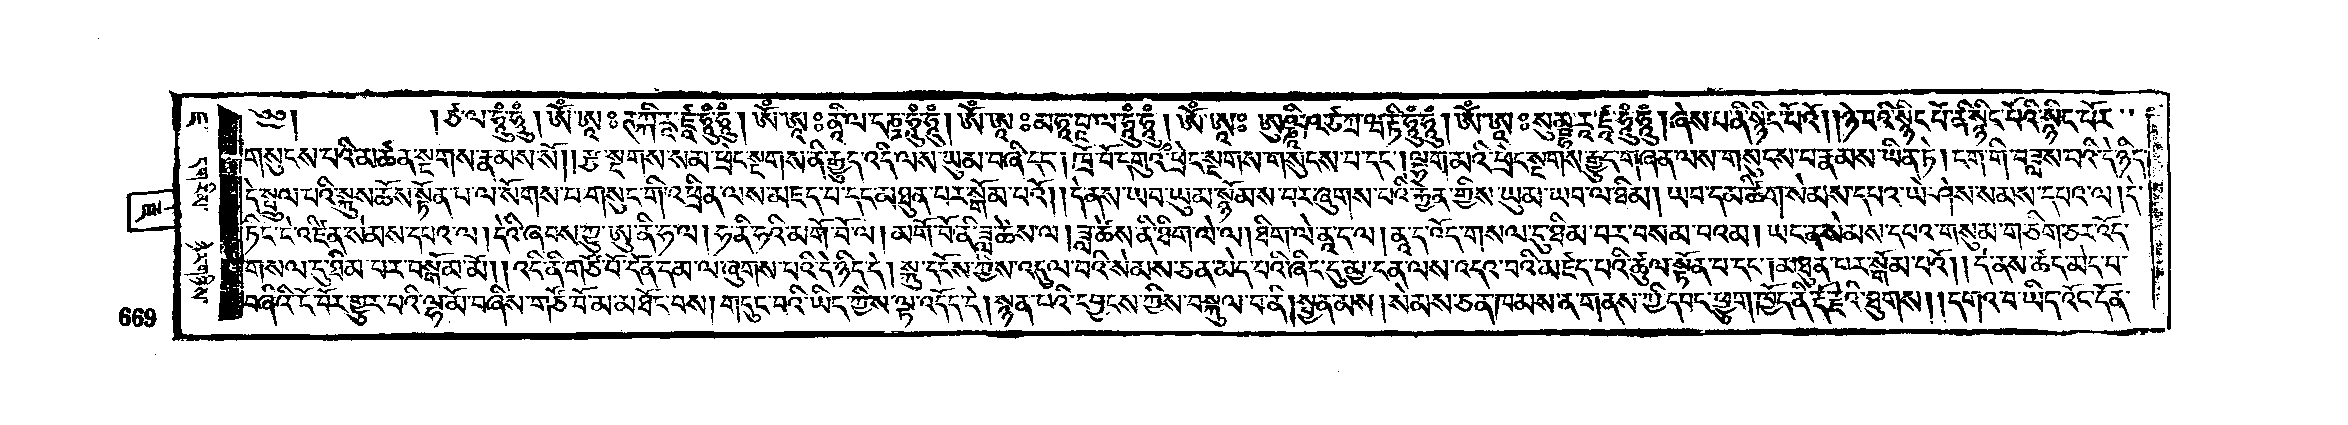༄༅། །ཙ་ལ་ཧཱུཾ་ཧཱུཾ། ཨོཾ་ཨཱཿ ཊྐིཀ་རཱ་ཛཱ་ཧཱུཾ་ཧཱུཾ། ཨོཾ་ཨཱཿ ནཱི་ལ་ཌནྚ་ཧཱུཾ་ཧཱུཾ། ཨོཾ་ཨཱཿ མཧཱ་བཱ་ལ་ཧཱུཾ་ཧཱུཾ། ཨོཾ་ཨཱཿ ཨུཥིཎཱ་ཥ་ཙ་ཀྲ་ཝ་རྟི་ཧཱུཾ་ཧཱུཾ་། ཨོཾ་ཨཱཿ སུ་མབྷ་རཱ་ཛཱ་ཧཱུཾ་ཧཱུཾ། ཞེས་པ་ནི་སྙིང་པོའོ། །ཉེ་བའི་སྙིང་པོ་ནི་སྙིང་པོའི་སྙིང་པོར་
གསུངས་པའི་མཚན་སྔགས་རྣམས་སོ། །རྩ་སྔགས་སམ་ཕྲེང་སྔགས་ནི་རྒྱུད་འདི་ལས་ཡུམ་བཞི་དང་། ཁྲོ་བོ་དགུའི་ཕྲེང་སྔགས་གསུངས་པ་དང་། ལྷག་མའི་ཕྲེང་སྔགས་རྒྱུད་གཞན་ལས་གསུངས་པ་རྣམས་ཡིན་ཏེ། ངག་གི་བཟླས་པའི་དེ་ཉིད་
དེ་སྤྲུལ་པའི་སྐུས་ཆོས་སྟོན་པ་ལ་སོགས་པ་གསུང་གི་འཕྲིན་ལས་མཛད་པ་དང་མཐུན་པར་སྒོམ་པའོ། །དེ་ནས་ཡབ་ཡུམ་སྙོམས་པར་ཞུགས་པའི་རྐྱེན་གྱིས་ཡུམ་ཡབ་ལ་ཐིམ། ཁ་དམ་ཚིག་སེམས་དཔའ་ཡེ་ཤེས་སེམས་དཔའ་ལ། དེ་
ཏིང་ངེ་འཛིན་སེམས་དཔའ་ལ། དེའི་ཞབས་ཀྱུ་ཨུ་ནི་ཧ་ལ། ཧ་ནི་ཧའི་མགོ་བོ་ལ། མགོ་བོ་ནི་ཟླ་ཚེས་ལ། ཟླ་ཚེས་ནི་ཐིག་ལེ་ལ། ཐིག་ལེ་ནཱ་ད་ལ། ནཱ་ད་འོད་གསལ་དུ་ཐིམ་པར་བསམ་པའམ། ཡང་ན་སེམས་དཔའ་གསུམ་གཅིག་ཅར་འོད་
གསལ་དུ་ཐིམ་པར་བསྒོམ་མོ། །འདི་ནི་གཙོ་བོ་དོན་དམ་ལ་ཞུགས་པའི་དེ་ཉིད་དེ། སྐུ་དངོས་ཀྱིས་འདུལ་བའི་སེམས་ཅན་མེད་པའི་ཞིང་དུ་མྱ་ངན་ལས་འདའ་བའི་མཛད་པའི་ཚུལ་སྟོན་པ་དང་། མཐུན་པར་སྒོམ་པའོ། །དེ་ནས་ཚད་མེད་པ་
བཞིའི་ངོ་བོར་གྱུར་པའི་ལྷ་མོ་བཞིས་གཙོ་བོ་མ་མཐོང་བས། གདུང་བའི་ཡིད་ཀྱིས་ལྟ་འདོད་དེ། སྙན་པའི་དབྱངས་ཀྱིས་བསྐུལ་བ་ནི། སྤྱན་མས། སེམས་ཅན་ཁམས་ན་གནས་ཀྱི་དབང་ཕྱུག་ཁྱོད་ནི་རྡོ་རྗེའི་ཐུགས། །དགའ་བ་ཡིད་འོང་དོན་